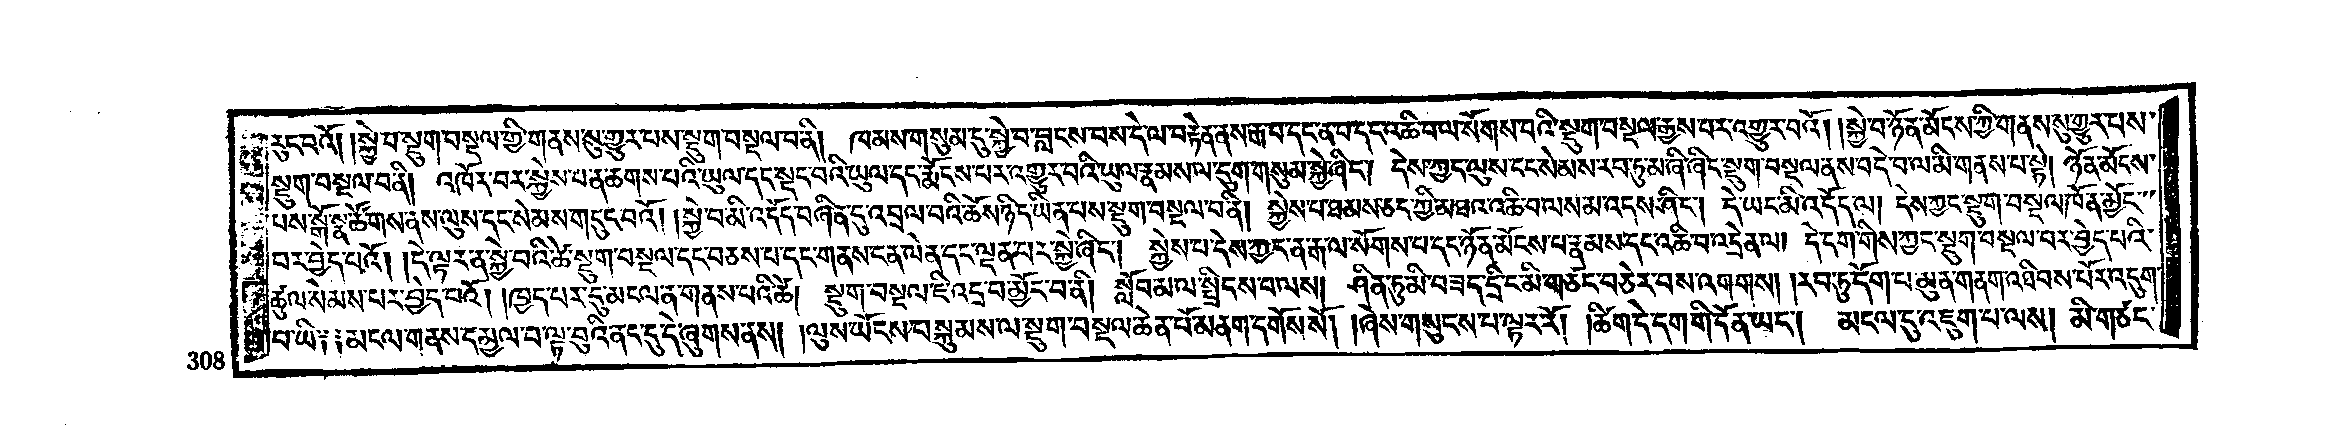རུང་བའོ། །སྐྱེ་བསྡུག་བསྔལ་གྱི་གནས་སུ་གྱུར་པས་སྡུག་བསྔལ་བ་ནི། ཁམས་གསུམ་དུ་སྐྱེ་བ་བླངས་པས་དེ་ལ་བརྟེན་ནས་རྒ་བ་དང་ན་བ་དང་འཆི་བ་ལ་སོགས་པའི་སྡུག་བསྔལ་རྒྱས་པར་འགྱུར་བའོ། །སྐྱེ་བ་ཉོན་མོངས་ཀྱི་གནས་སུ་གྱུར་པས་
སྡུག་བསྔལ་བ་ནི། འཁོར་བར་སྐྱེས་པ་ན་ཆགས་པའི་ཡུལ་དང་སྡང་བའི་ཡུལ་དང་རྨོངས་པར་འགྱུར་བའི་ཡུལ་རྣམས་ལ་དུག་གསུམ་སྐྱེ་ཞིང་། དེས་ཀྱང་ལུས་དང་སེམས་རབ་ཏུ་མ་ཞི་ཞིང་སྡུག་བསྔལ་ནས་བདེ་བ་ལ་མི་གནས་པ་སྟེ། ཉོན་མོངས་
པས་སྒོ་སྣ་ཚོགས་ནས་ལུས་དང་སེམས་གདུང་བའོ། །སྐྱེ་བ་མི་འདོད་བཞིན་དུ་འབྲལ་བའི་ཆོས་ཉིད་ཡིན་པས་སྡུག་བསྔལ་བ་ནི། སྐྱེས་པ་ཐམས་ཅད་ཀྱི་མཐའ་འཆི་བ་ལས་མ་འདས་ཤིང་། དེ་ཡང་མི་འདོད་ལ། དེས་ཀྱང་སྡུག་བསྔལ་ཁོ་ན་མྱོང་
བར་བྱེད་པའོ། །དེ་ལྟར་ན་སྐྱེ་བའི་ཚེ་སྡུག་བསྔལ་དང་བཅས་པ་དང་གནས་ངན་ལེན་དང་ལྡན་པར་སྐྱེ་ཞིང་། སྐྱེས་པ་དེས་ཀྱང་ན་རྒ་ལ་སོགས་པ་དང་ཉོན་མོངས་པ་རྣམས་དང་འཆི་བ་འདྲེན་ལ། དེ་དག་གིས་ཀྱང་སྡུག་བསྔལ་བར་བྱེད་པའི་
ཚུལ་སེམས་པར་བྱེད་པའོ། །ཁྱད་པར་དུ་མངལ་ན་གནས་པའི་ཚེ། སྡུག་བསྔལ་ཇི་འདྲ་བ་མྱོང་བ་ནི། སློབ་མ་ལ་སྤྲིངས་པ་ལས། ཤིན་ཏུ་མི་བཟད་དྲི་ང་མི་གཙང་བཅེར་བས་འགགས། །རབ་ཏུ་དོག་པ་མུན་གནག་འཐིབས་པོར་འདུག་
པ་ཡི༑ ༑མངལ་གནས་དམྱལ་བ་ལྟ་བུའི་ནང་དུ་དེ་ཞུགས་ནས། །ལུས་ཡོངས་བསྐུམས་ལ་སྡུག་བསྔལ་ཆེན་པོ་མནག་དགོས་སོ། །ཞེས་གསུངས་པ་ལྟར་རོ། །ཚིག་དེ་དག་གི་དོན་ཡང་། མངལ་དུ་འཇུག་པ་ལས། མི་གཙང་